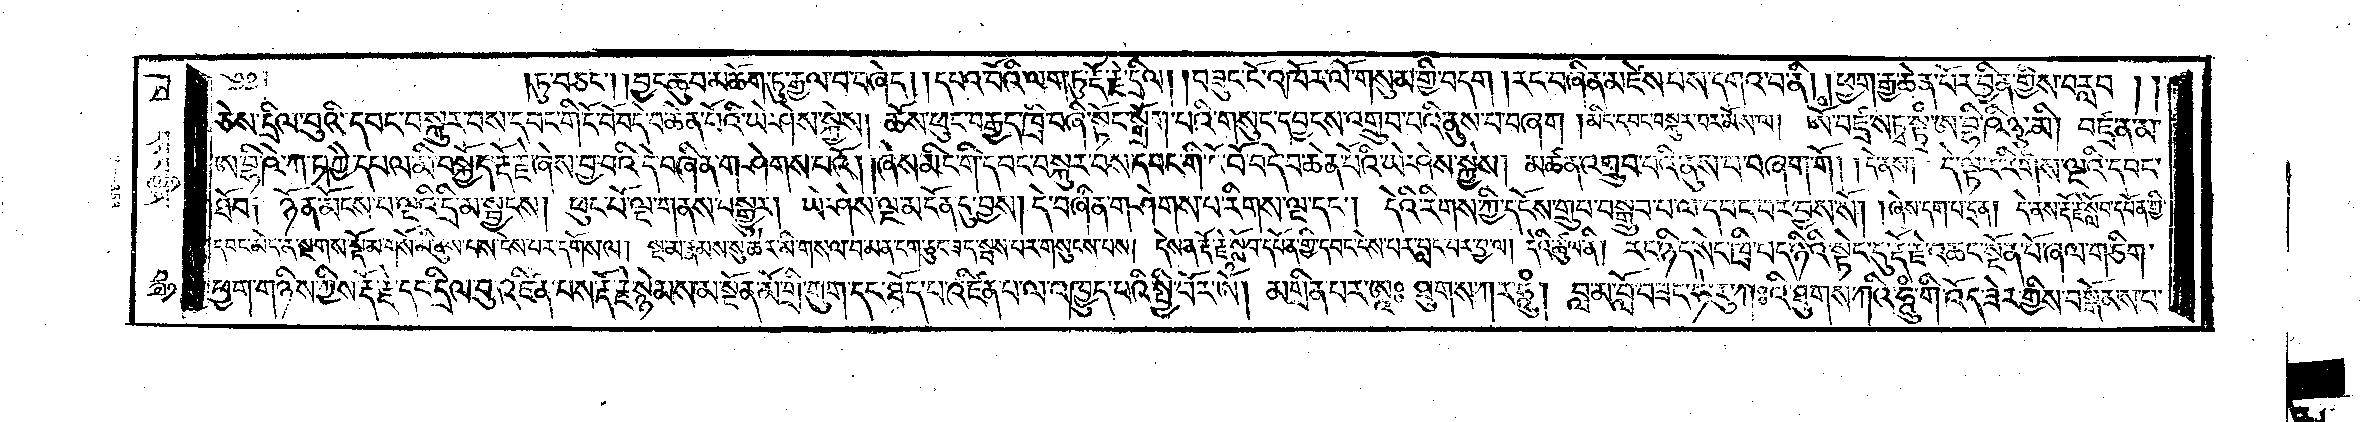༄༅། །ཏུ་བཅང་། །བྱང་ཆུབ་མཆོག་ཏུ་རྒྱལ་བ་བཞེད། །དཔའ་བོའི་ལག་ཏུ་རྡོ་རྗེ་དྲིལ། །བཟུང་ངོ་འཁོར་ལོ་གསུམ་གྱི་བདག །རང་བཞིན་མཛེས་པས་དགའ་བ་ནི། །ཕྱག་རྒྱ་ཆེན་པོར་བྱིན་གྱིས་བརླབ། །
ཅེས་དྲིལ་བུའི་དབང་བསྐུར་བས་དབང་གི་ངོ་བོ་བདེ་བ་ཆེན་པོའི་ཡེ་ཤེས་སྐྱེས། ཆོས་ཕུང་བརྒྱད་ཁྲི་བཞི་སྟོང་སྒྲོག་པའི་གསུང་དབྱངས་འགྲུབ་པའི་ནུས་པ་བཞག་།མིང་དབང་བསྐུར་བར་མོས་ལ།  ཨོཾ་བཛྲ་སཏྭ་སྟྭཾ་ཨ་བྷི་ཥིཉྩཱ་མི། བཛྲ་ན་མ་
ཨ་བྷི་ཥེ་ཀ་ཏ། ཀྱཻ་དཔལ་མི་བསྐྱོད་རྡོ་རྗེ་ཞེས་བྱ་བའི་དེ་བཞིན་གཤེགས་པའོ། །ཞེས་མིང་གི་དབང་བསྐུར་བས་དབང་གི་ངོ་བོ་བདེ་བ་ཆེན་པོའི་ཡེ་ཤེས་སྐྱེས། མཚན་འགྲུབ་བའི་ནུས་པ་བཞག་གོ། །དེ་ནས།  དེ་ལྟར་རིགས་ལྔའི་དབང་
ཐོབ༑ ཉོན་མོངས་པ་ལྔའི་དྲི་མ་སྦྱངས། ཕུང་པོ་ལྔ་གནས་བསྒྱུར། ཡེ་ཤེས་ལྔ་མངོན་དུ་བྱས། དེ་བཞིན་གཤེགས་པ་རིགས་ལྔ་དང་། དེའི་རིགས་ཀྱི་དངོས་གྲུབ་བསྒྲུབ་པ་ལ་དབང་བར་བྱས་སོ། །ཞེས་དག་པ་དྲན། དེ་ནས་རྡོ་རྗེ་སློབ་དཔོན་གྱི་
དབང་མེད་ན་སྔགས་སྡོམ་གསོ་མི་ནུས་པས་ངེས་པར་དགོས་ལ། སྔ་མ་རྣམས་སུ་ཆེར་མི་གསལ་བ་མན་ངག་ཅུང་ཟད་སྦས་པར་གསུངས་པས། དེས་ན་རྡོ་རྗེ་སློབ་དཔོན་གྱི་དབང་ངེས་པར་བླང་བར་བྱ་ལ། དེའི་ཚུལ་ནི། རང་ཉིད་སེང་ཁྲི་པད་ཉིའི་སྟེང་དུ་རྡོ་རྗེ་འཆང་སྔོན་པོ་ཞལ་གཅིག་
ཕྱག་གཉིས་ཀྱིས་རྡོ་རྗེ་དང་དྲིལ་བུ་འཛིན་པས་རྡོ་རྗེ་སྙེམས་མ་སྔོན་མོ་གྲི་གུག་དང་ཐོད་པ་འཛིན་པ་ལ་འཁྱུད་པའི་སྤྱི་བོར་ཨོཾ། མགྲིན་པར་ཨཱཿཐུགས་ཀར་ཧཱུཾ། བླ་མ་བློ་བཟང་ཧེ་རུ་ཀཿཨཱི་ཐུགས་ཀའི་ཧཱུཾ་གི་འོད་ཟེར་གྱིས་བསྒོམས་པ་